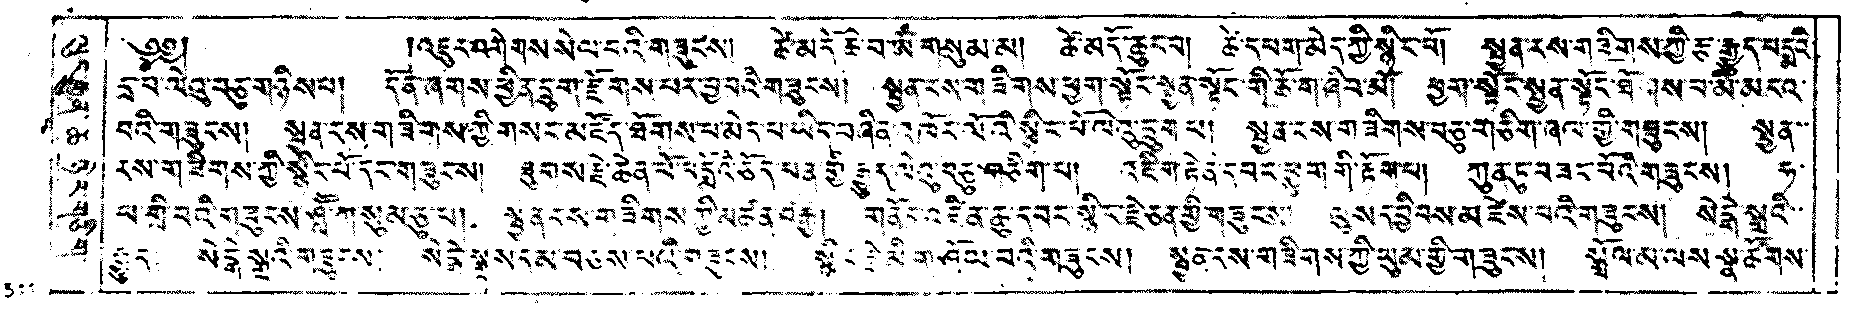༄༅། །འཇུར་འགེགས་སེལ་བའི་གཟུངས། ཚེ་མདོ་ཆེ་བ་ཨོཾ་གསུམ་མ། ཚེ་མདོ་ཆུང་བ། ཚེ་དཔག་མེད་ཀྱི་སྙིང་པོ། སྤྱན་རས་གཟིགས་ཀྱི་རྩ་རྒྱུད་པདམའི་
དྲ་བ་ལེའུ་བཅུ་གཉིས་པ། དོན་ཞགས་ཕྱིན་དྲུག་རྫོགས་པར་བྱ་བའི་གཟུངས། སྤྱན་རས་གཟིགས་ཕྱག་སྟོང་སྤྱན་སྟོང་གི་ཆོ་ག་ཞིབ་མོ། ཕྱག་སྟོང་སྤྱན་སྟོང་ཐོགས་པ་མི་མངའ་
བའི་གཟུངས། སྤྱན་རས་གཟིགས་ཀྱི་གསང་མཛོད་ཐོགས་པ་མེད་པ་ཡིད་བཞིན་འཁོར་ལོའི་སྙིང་པོ་ལེའུ་དྲུག་པ། སྤྱན་རས་གཟིགས་བཅུ་གཅིག་ཞལ་གྱི་གཟུངས། སྤྱན་
རས་གཟིགས་ཀྱི་སྙིང་པོ་དང་གཟུངས། ཐུགས་རྗེ་ཆེན་པོ་པདམོའི་ཅོད་པན་གྱི་རྒྱུད་ལེའུ་བཅུ་གཅིག་པ། འཇིག་རྟེན་དབང་ཕྱུག་གི་རྟོག་པ། ཀུན་ཏུ་བཟང་པོའི་གཟུངས། ཧ་
ཡ་གྲི་བའི་གཟུངས་ཤླཽ་ཀ་སུམ་ཅུ་པ། སྤྱན་རས་གཟིགས་ཀྱི་མཚན་བརྒྱ། གནོད་འཛིན་ཆུ་དབང་སྙིང་རྗེ་ཅན་གྱི་གཟུངས། ལུས་དབྱིབས་མཛེས་པའི་གཟུངས། སེངྒེ་སྒྲའི་
རྒྱུད། སེངྒེ་སྒྲའི་གཟུངས། སེངྒེ་སྒྲས་དམ་བཅས་པའི་གཟུངས། སྙིང་རྗེ་མི་གཤོལ་བའི་གཟུངས། སྤྱན་རས་གཟིགས་ཀྱི་ཡུམ་གྱི་གཟུངས། སྒྲོལ་མ་ལས་སྣ་ཚོགས་